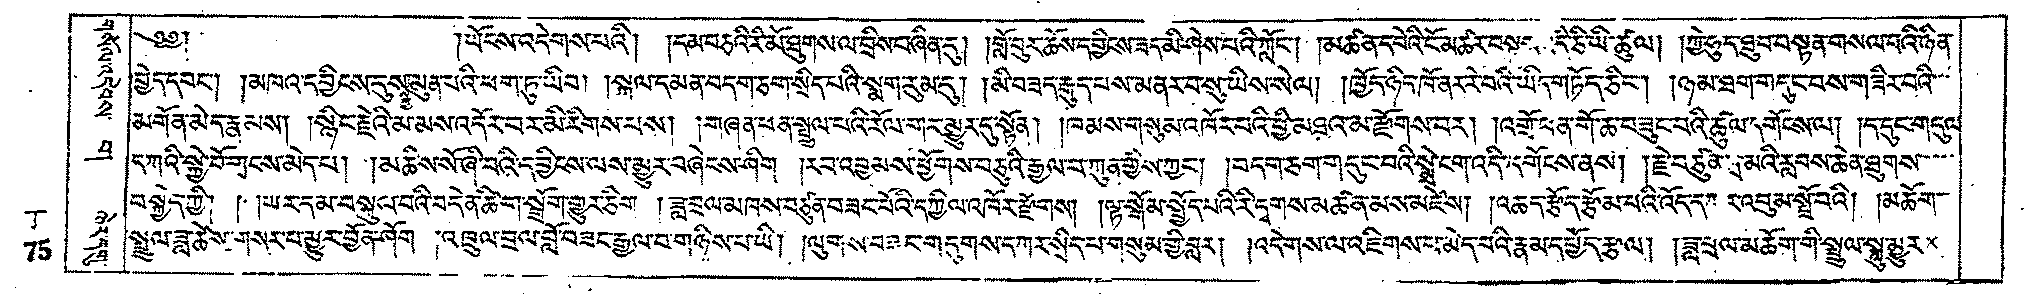༄༅། །ཡོངས་འདེགས་པའི། །དམ་བཅའི་རི་མོ་ཐུགས་ལ་བྲིས་བཞིན་དུ། །གློ་བུར་ཆོས་དབྱིངས་ཟད་མི་ཤེས་པའི་ཀློང་། །མཚན་དཔེའི་ངོ་མཚར་བསྡུས་འདི་ཅི་ཡི་ཚུལ། །ཀྱེ་ཧུད་ཐུབ་བསྟན་གསལ་བའི་ཉིན་
བྱེད་དབང་། །མཁའ་དབྱིངས་དུས་ཀྱི་མུན་པའི་ཕག་ཏུ་ཡིབ། །སྐལ་དམན་བདག་ཅག་སྲིད་པའི་སྨག་རུམ་དུ། །མི་བཟད་རྒུད་པས་མནར་བ་སུ་ཡིས་སེལ། །ཁྱོད་ཉིད་ཁོ་ནར་རེ་བའི་ཡིད་གཏོད་ཅིང་། །ཉམ་ཐག་གདུང་བས་གཟིར་བའི་་་
མགོན་མེད་རྣམས། །སྙིང་རྗེའི་མ་མས་འདོར་བར་མི་རིགས་པས། །གཞན་ཕན་སྤྲུལ་པའི་རོལ་གར་མྱུར་དུ་སྟོན། །ཁམས་གསུམ་འཁོར་བའི་ཕྱི་མཐའ་མ་རྫོགས་བར། །འགྲོ་ཕན་གོ་ཆ་བཟུང་བའི་ཚུལ་དགོངས་ལ། །ད་དུང་གདུལ་
དཀའི་སྐྱེ་བོ་གྲངས་མེད་པ། །མཆིས་སོ་ཞི་བའི་དབྱིངས་ལས་མྱུར་བ་ཞེངས་ཤིག །རབ་འབྱམས་ཕྱོགས་བཅུའི་རྒྱལ་བ་ཀུན་གྱིས་ཀྱང་། །བདག་ཅག་གདུང་བའི་སྨྲེ་ངག་འདི་དགོངས་ནས། །རྗེ་བཙུན་སྨྲ་མའི་རླབས་ཆེན་ཐུགས་་་
བསྐྱེད་ཀྱི། །།ཡར་དམ་བསྐུལ་བའི་བདེན་ཚིག་སྒྲོག་གྱུར་ཅིག །ཟླ་བྲལ་མཁས་བཙུན་བཟང་པོའི་དཀྱིལ་འཁོར་རྫོགས། །ལྟ་སྒོམ་སྤྱོད་པའི་རི་དྭགས་མཚན་མས་མཛེས། །འཆད་རྩོད་རྩོམ་པའི་འོད་དཀར་འབུམ་སྤྲོ་བའི། །མཆོག་་་
སྤྲུལ་ཟླ་ཚེས་གསར་པ་མྱུར་བྱོན་ཤོག །འཁྲུལ་བྲལ་བློ་བཟང་རྒྱལ་བ་གཉིས་པ་ཡི། །ལུགས་བཟང་གདུགས་དཀར་སྲིད་པ་གསུམ་གྱི་བླར། །འདེགས་ལ་འཇིགས་པ་མེད་པའི་རྣམ་དཔྱོད་རྩལ། །ཟླ་བྲལ་མཆོག་གི་སྤྲུལ་སྐུ་མྱུར་྾་